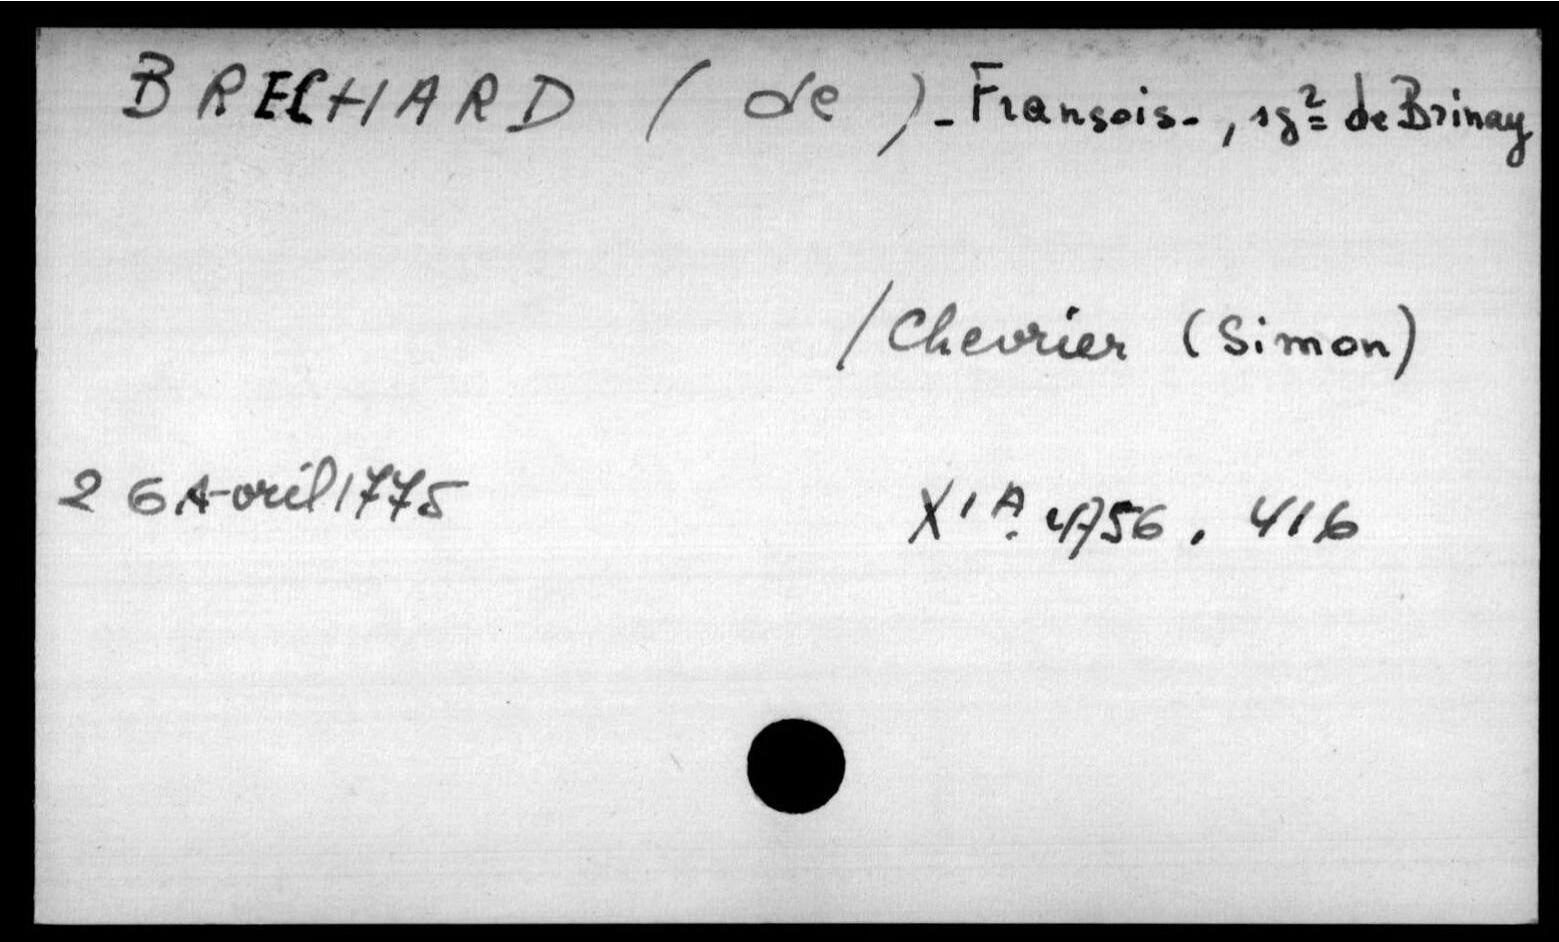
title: BRECHARD (de) - François -, seigneur de Brinay
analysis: Contre Chevrier (Simon)
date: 26 avril 1775
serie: X1A
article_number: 4756
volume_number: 416
